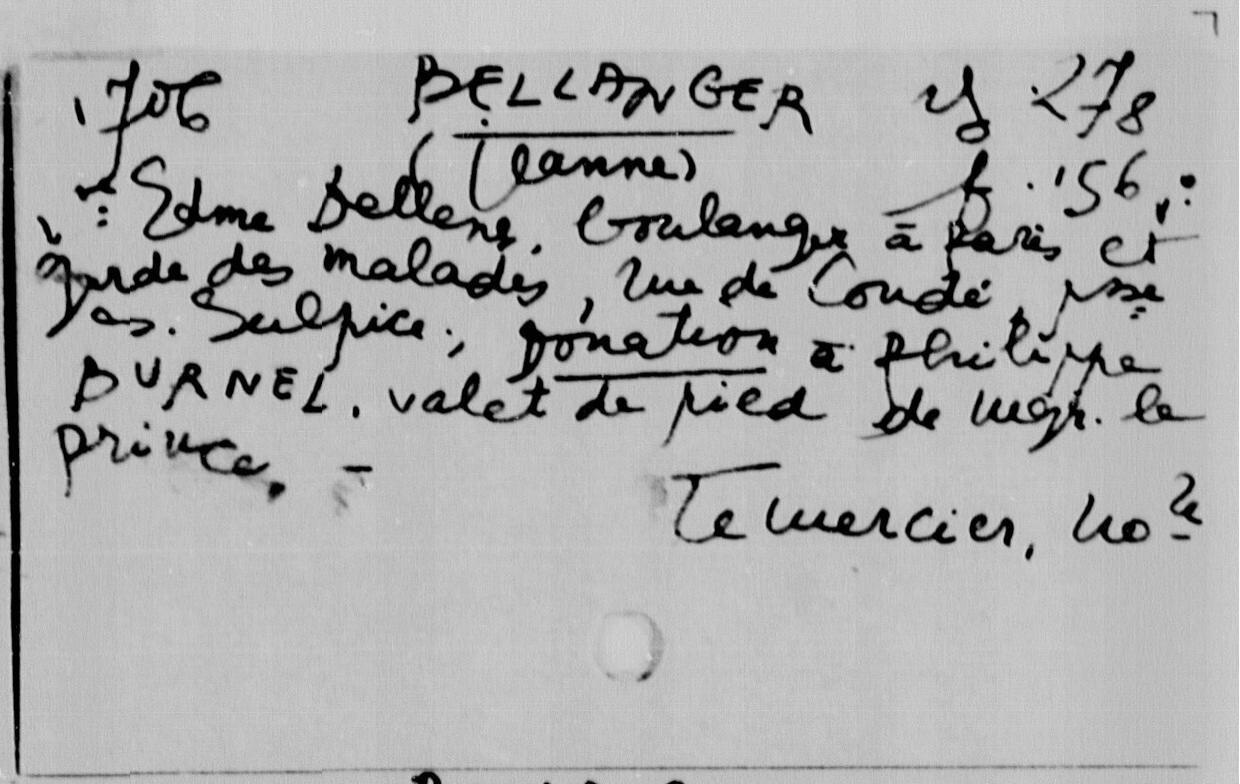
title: BELLANGER (Jeanne)
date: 1706
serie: Y
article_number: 278
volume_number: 156v
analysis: Veuve Edme BELLELNE, boulanger à Paris et Garde des malades, rue de Condé, paroisse Saint-Sulpice. Donation à Philippe BURNEL, valet de pied de monseigneur le Prince. Lemercier, notaire.
